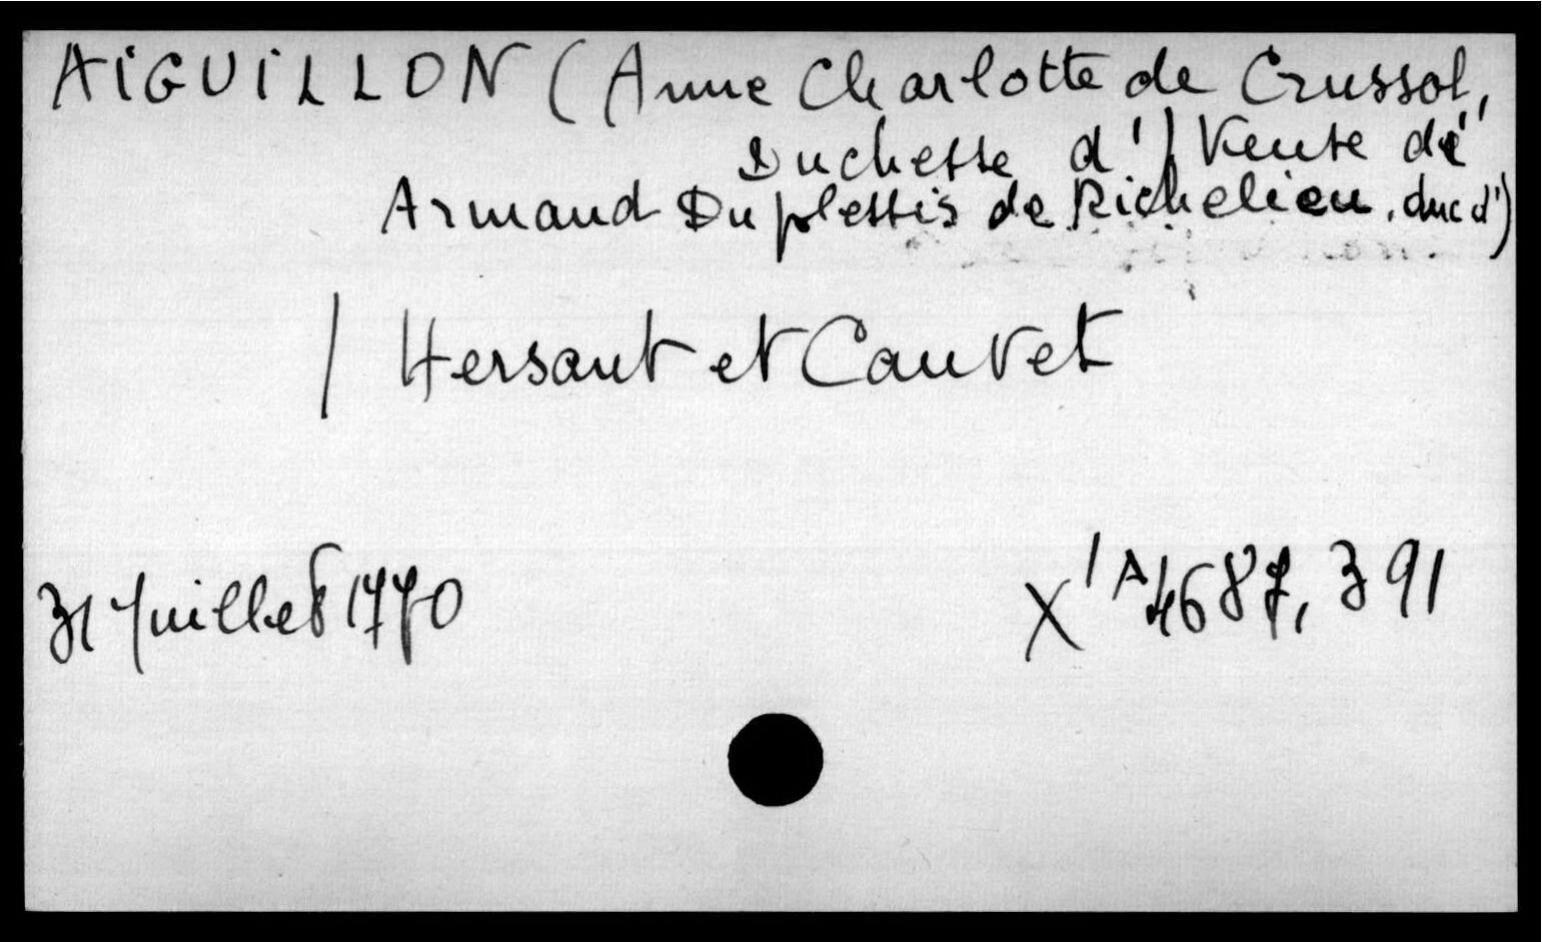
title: AIGUILLON (Anne Charlotte de Crussol, Duchesse d') veuve dé Armand du plessis de Richelieu, duc d')
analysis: Contre Hersant et Cauvet
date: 31 juillet 1770
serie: X1A
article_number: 4687
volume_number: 391
